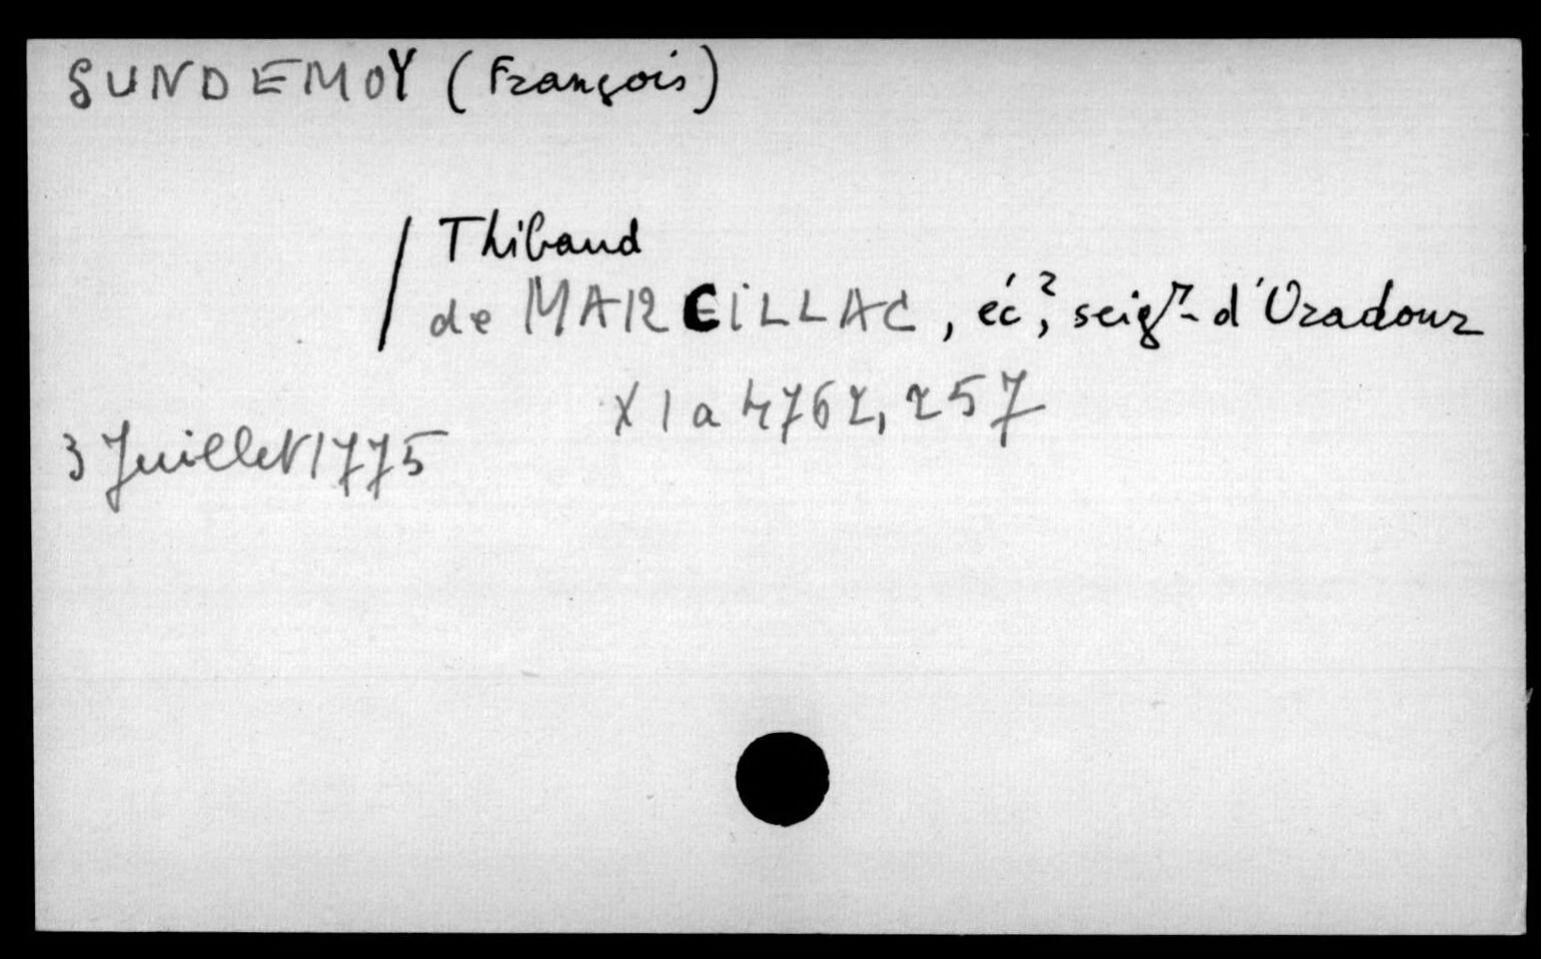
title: SUNDEMOY (François)
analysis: Contre Thibaud de Marcillac, , seigneur d'Oradour
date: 3 juillet 1775
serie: X1a
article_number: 4762
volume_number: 257
